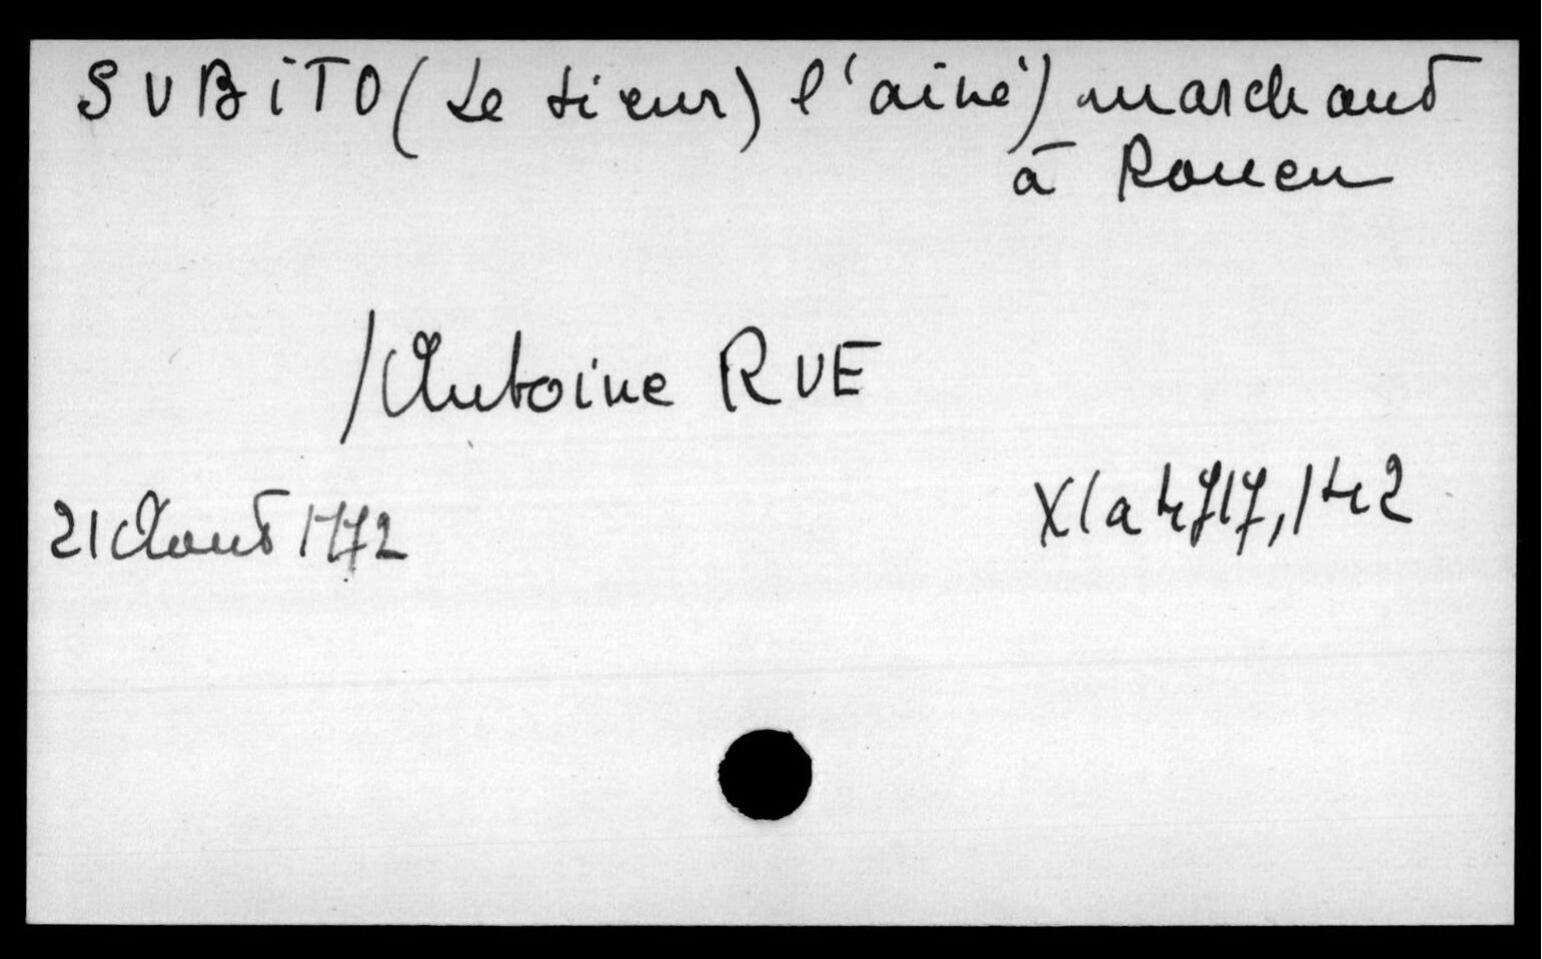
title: SUBITO (le sieur) l'ainé, marchand à Rouen
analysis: Contre Antoine RUE
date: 21 août 1772
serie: X1a
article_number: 4717
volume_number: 142
